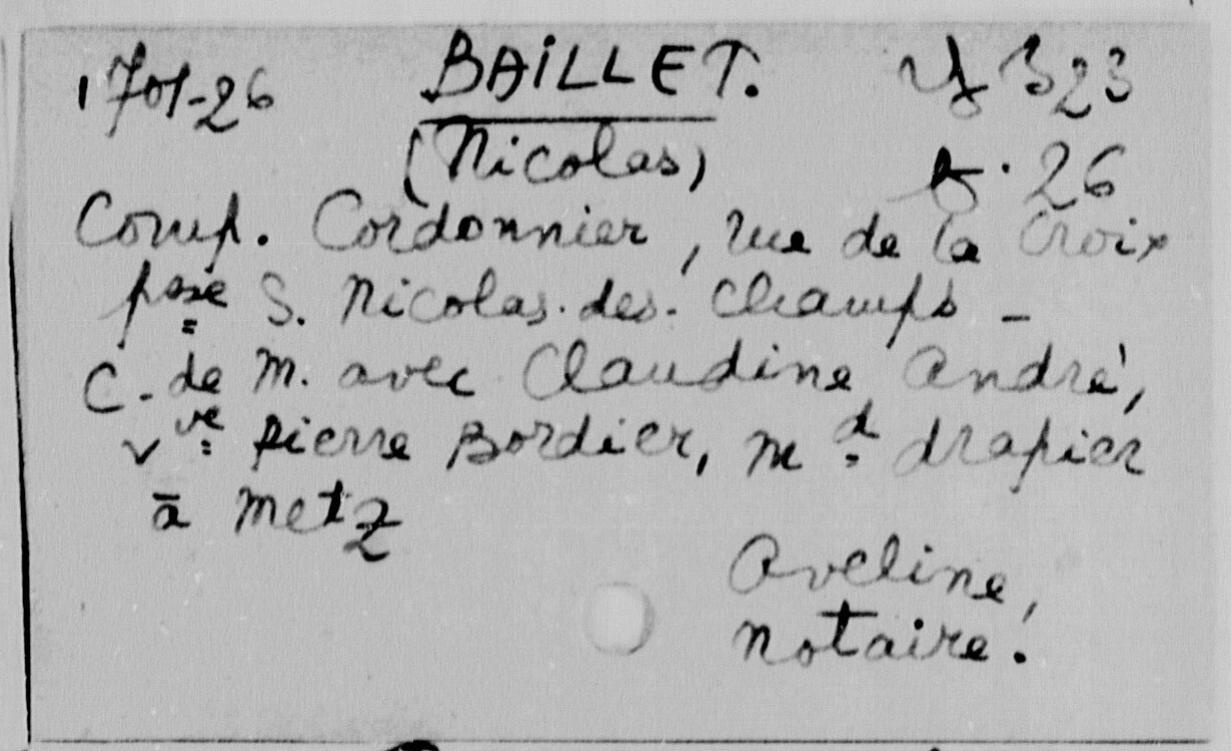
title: BAILLET (Nicolas)
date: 1701-1726
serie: Y
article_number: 323
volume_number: folio 26
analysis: Compagnon cordonnier, rue de la Croix, paroisse Saint-Nicolas-des-Champs. Contrat de mariage avec Claudine André, veuve Pierre Bordier, marchand drapier à Metz Aveline, notaire
